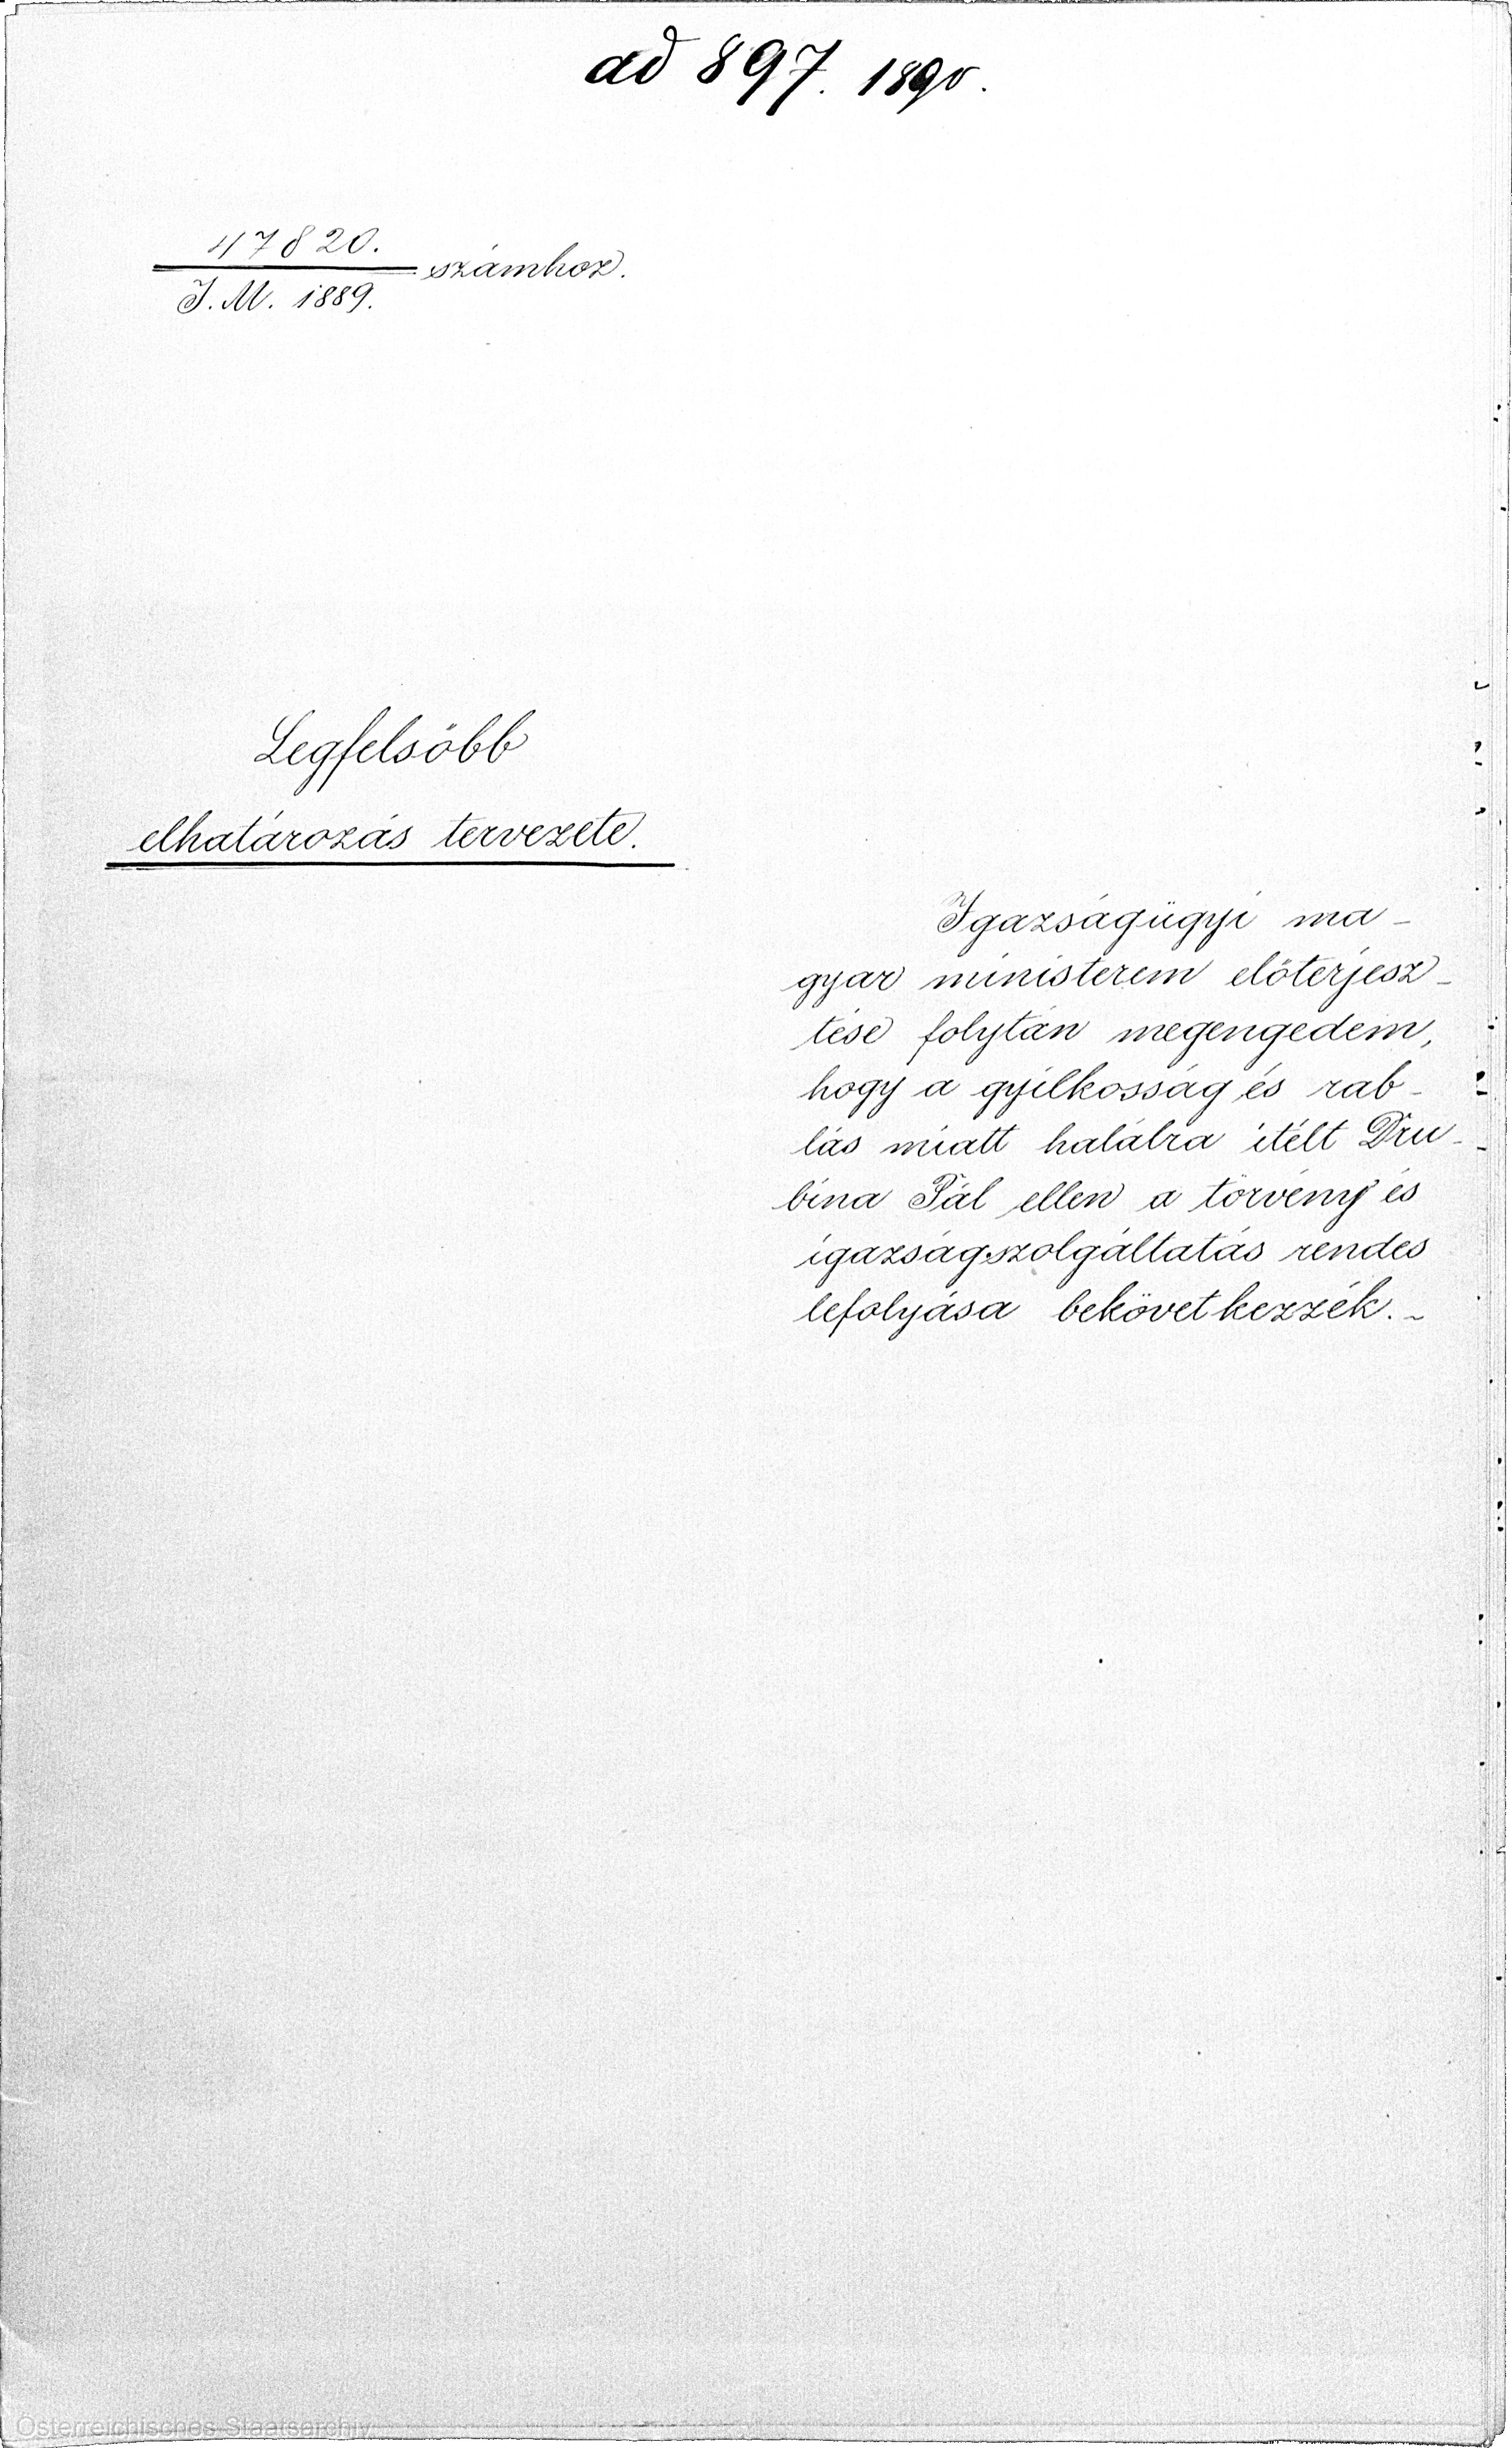ad 897. 1890.
47820.
számhoz.
J.M. 1889.
Legfelsöbb
elhatározás tervezete.
Igazságügyi ma¬
gyar ministerem elöterjesz¬
tése folytán megengedem,
hogy a gyilkosság és rab¬
lás miatt halálra itélt Dru¬
bina Pál ellen a törvény és
igazságszolgáltatás rendes
lefolyása bekövetkezzék.-